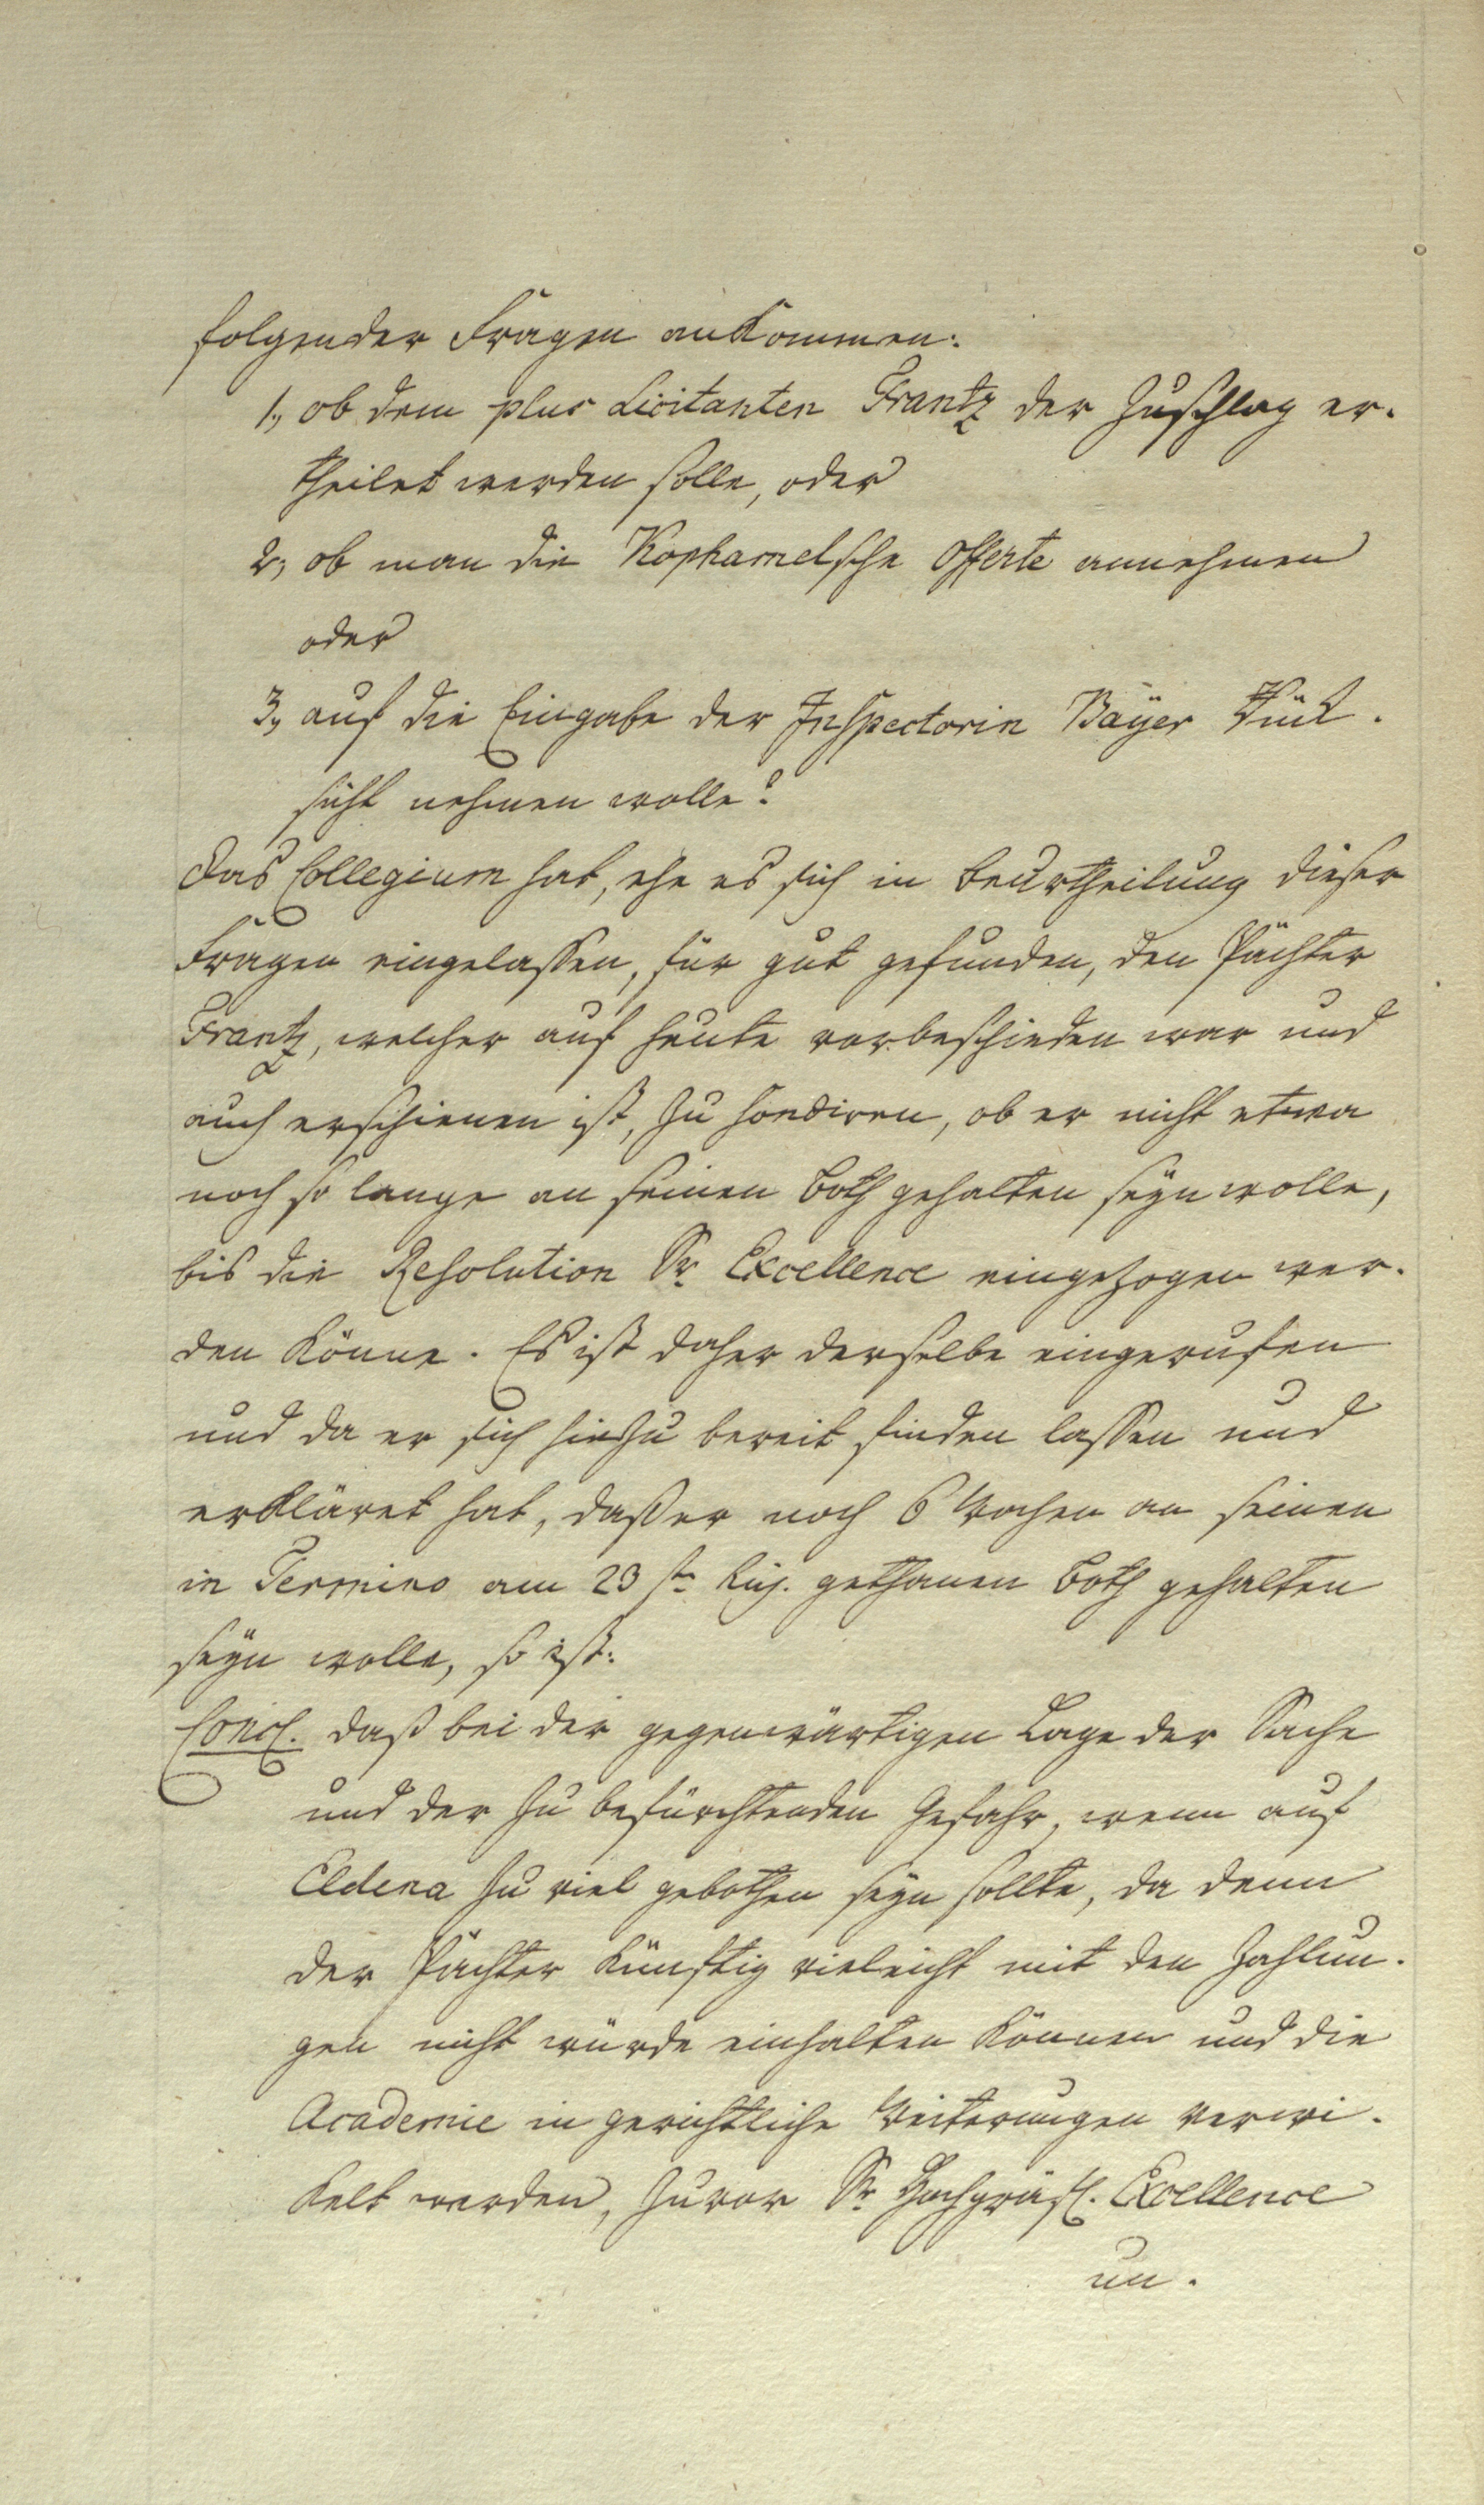folgender Fragen ankommen:
1., ob dem plus Licitanten Frantz der Zuschlag er¬
theilet werden solle, oder
2., ob man die Kophamelsche Offerte annehmen
oder
3., auf die Eingabe der Inspectorin Baÿer Rück¬
sicht nehmen wolle?
Das Collegium hat, ehe es sich in Beurtheilung dieser
Fragen eingelassen, für gut gefunden, den Pächter
Frantz, welcher auf heute vorbeschieden war und
auch erschienen ist, zu sondiren, ob er nicht etwa
noch so lange an seinen Both gehalten seÿn wolle,
bis die Resolution Sr. Excellence eingezogen wer¬
den könne. Es ist daher derselbe eingerufen
und da er sich hiezu bereit finden lassen und
erkläret hat, daß er noch 6 Wochen an seinen
in Termino am 23 st huj. gethanen Both gehalten
seÿn wolle, so ist:
Concl. daß bei der gegenwärtigen Lage der Sache
und der zu befürchtenden Gefahr, wenn auf
Eldena zu viel gebothen seÿn sollte, da denn
der Pächter künftig vieleicht mit den Zahlun¬
gen nicht würde einhalten können und die
Academie in gerichtliche Weiterungen verwi¬
kelt werden, zuvor Sr Hochgräfl. Excellence
un